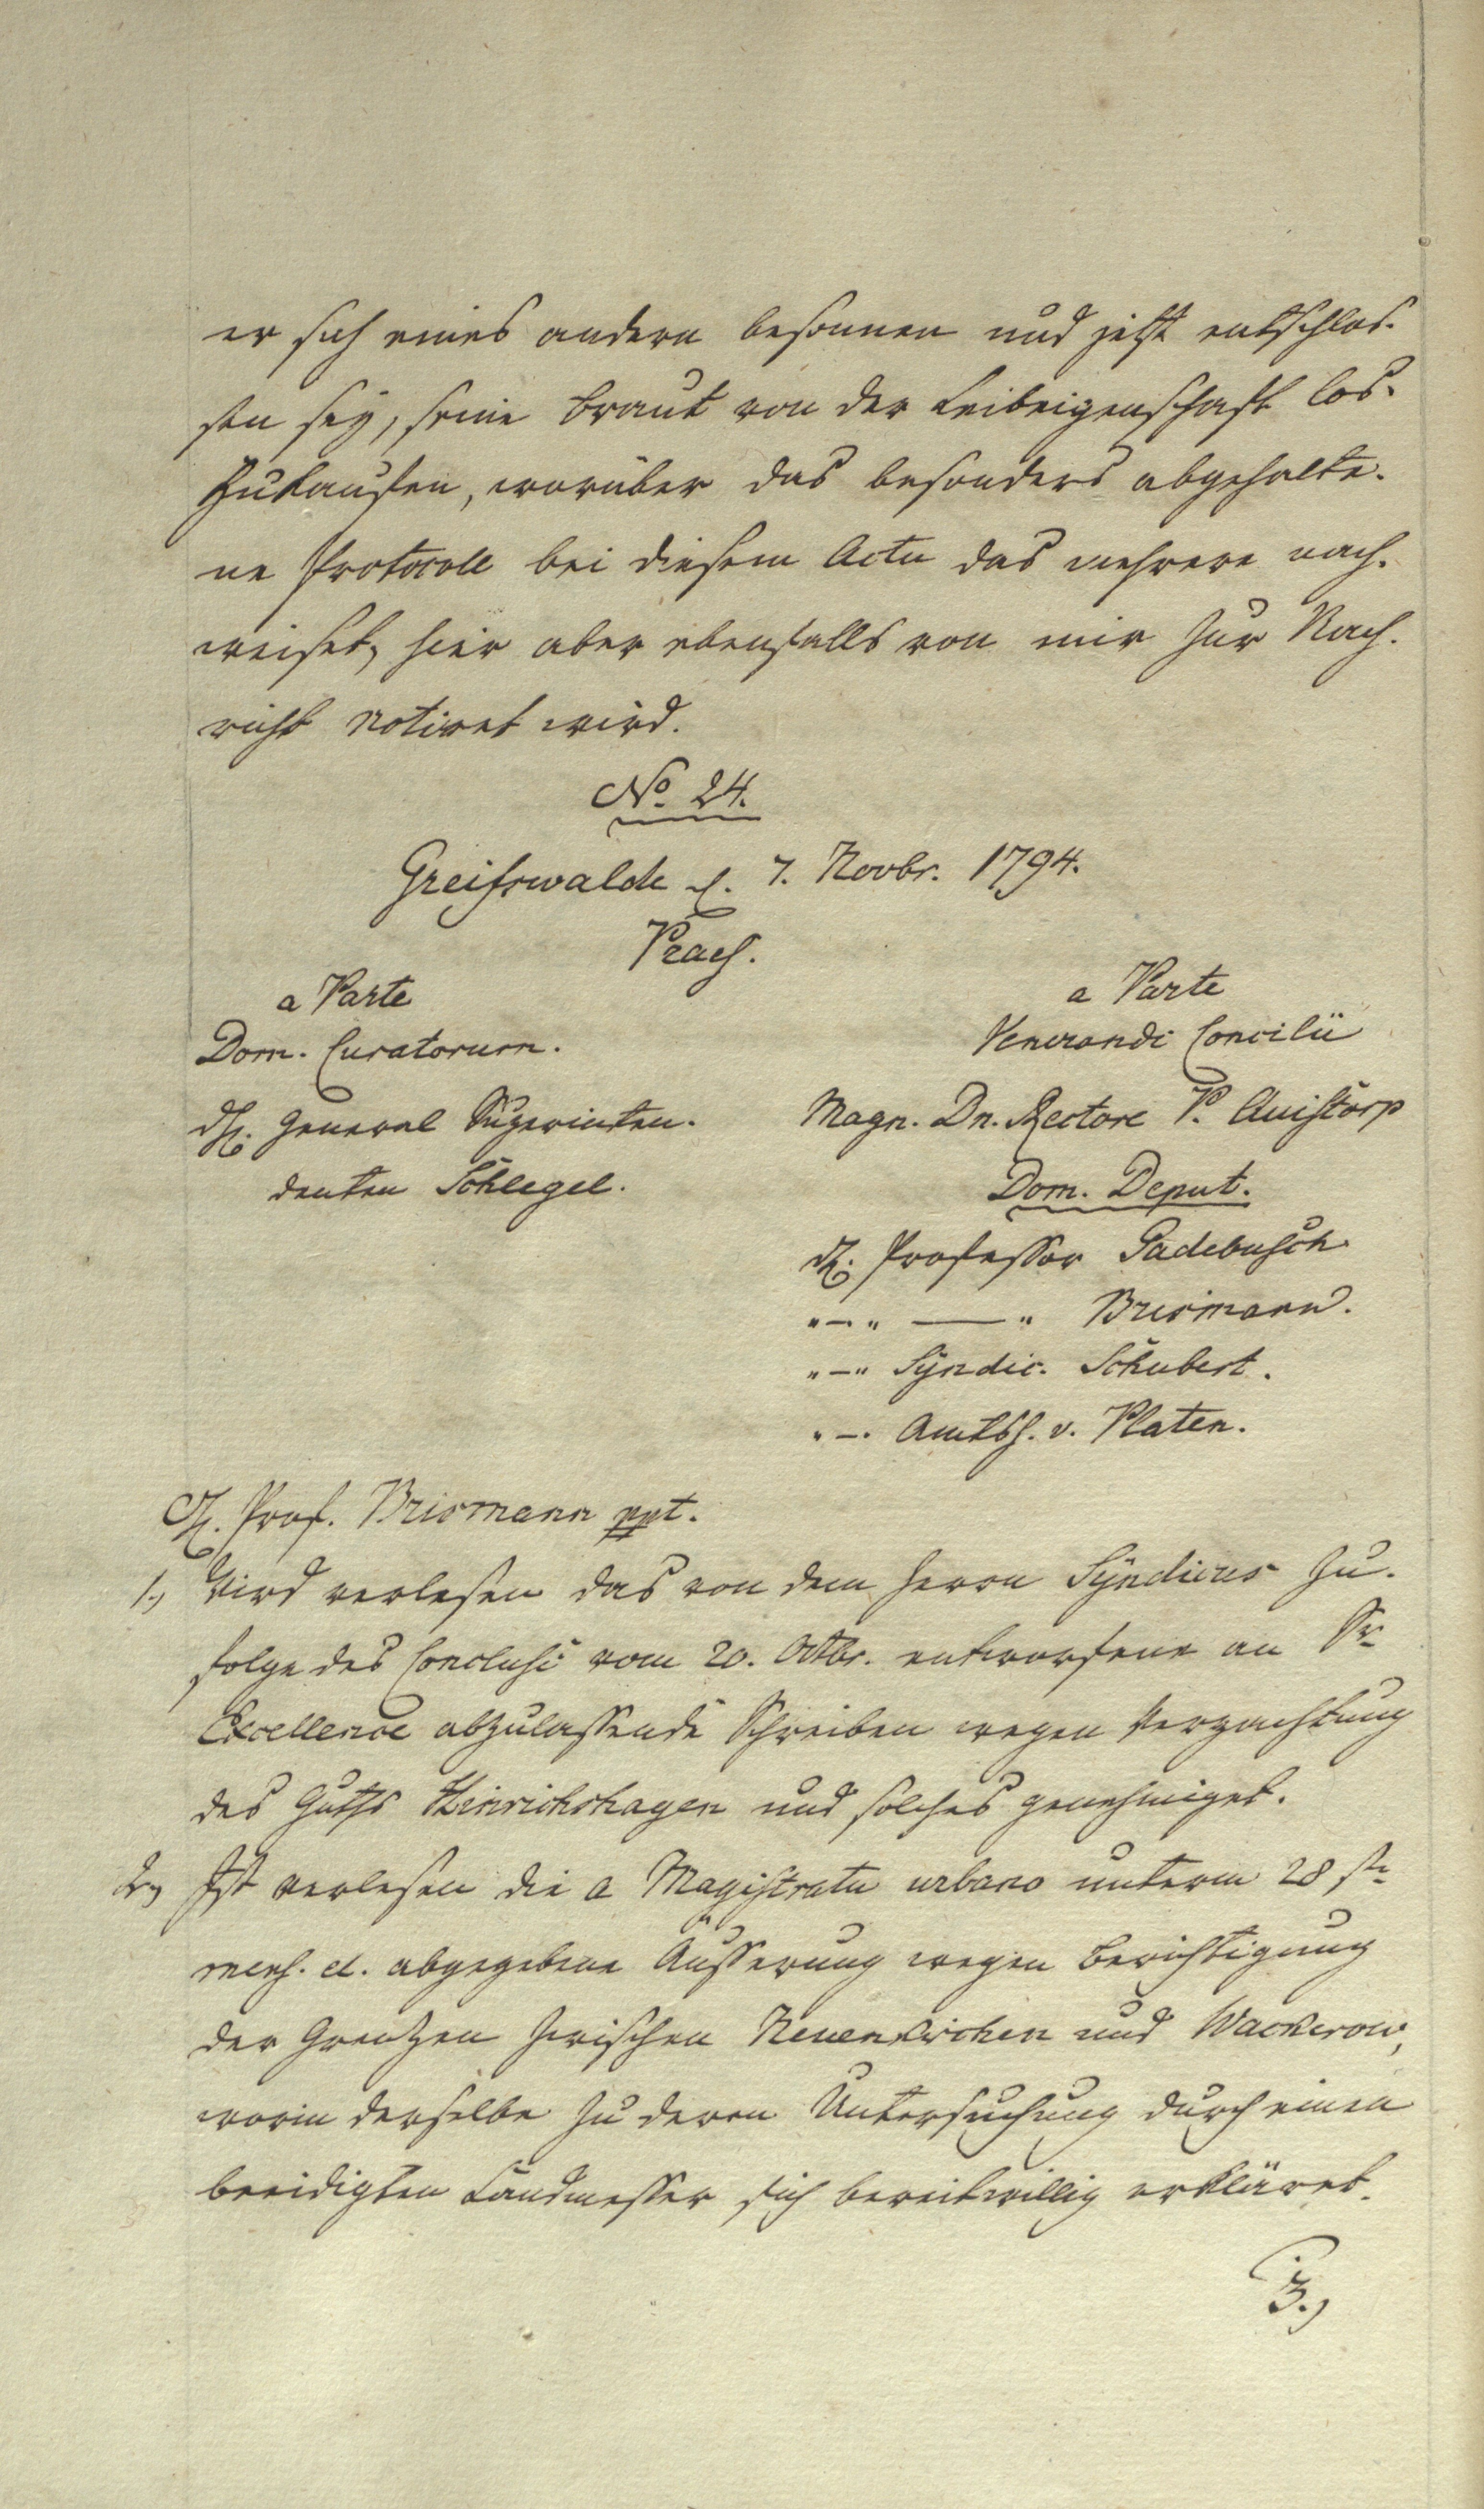er sich eines andern besonnen und jetzt entschlos¬
sen seÿ, seine Braut von der Leibeigenschaft los¬
zukaufen, worüber das besonders abgehalte¬
ne Protocoll bei diesem Actu das mehrere nach¬
weiset, hier aber ebenfalls von mir zur Nach¬
richt notiret wird.
No 24.
Greifswalde d. 7. Novbr. 1794.
Praes.
a Parte a Parte
Dom. Curatorum. Venerandi Concilii
dh. General Superinten¬ Magn. Dn. Rector P. Quistorp
denten Schlegel.
Dom. Deput.
dh. Professor Gadebusch.
Brismann.
Sÿndic. Schubert
Amtsh. v. Platen.
dh. Prof. Brismann ppt.
1., Wird verlesen das von dem Herrn Sÿndicus zu¬
folge des Conclusi vom 20. Octbr. entworfene an Sr
Excellence abzulassende Schreiben wegen Verpachtung
des Guths Hinrichshagen und solches genehmiget.
2., Ist verlesen die a Magistratu urbano unterm 28 st.
mens. el. abgegebene Äusserung wegen Berichtigung
der Grenzen zwischen Neuenkirchen und Wackerow,
worin derselbe zu deren Untersuchung durch einen
beeidigten Landmesser sich bereitwillig erkläret.
3.,